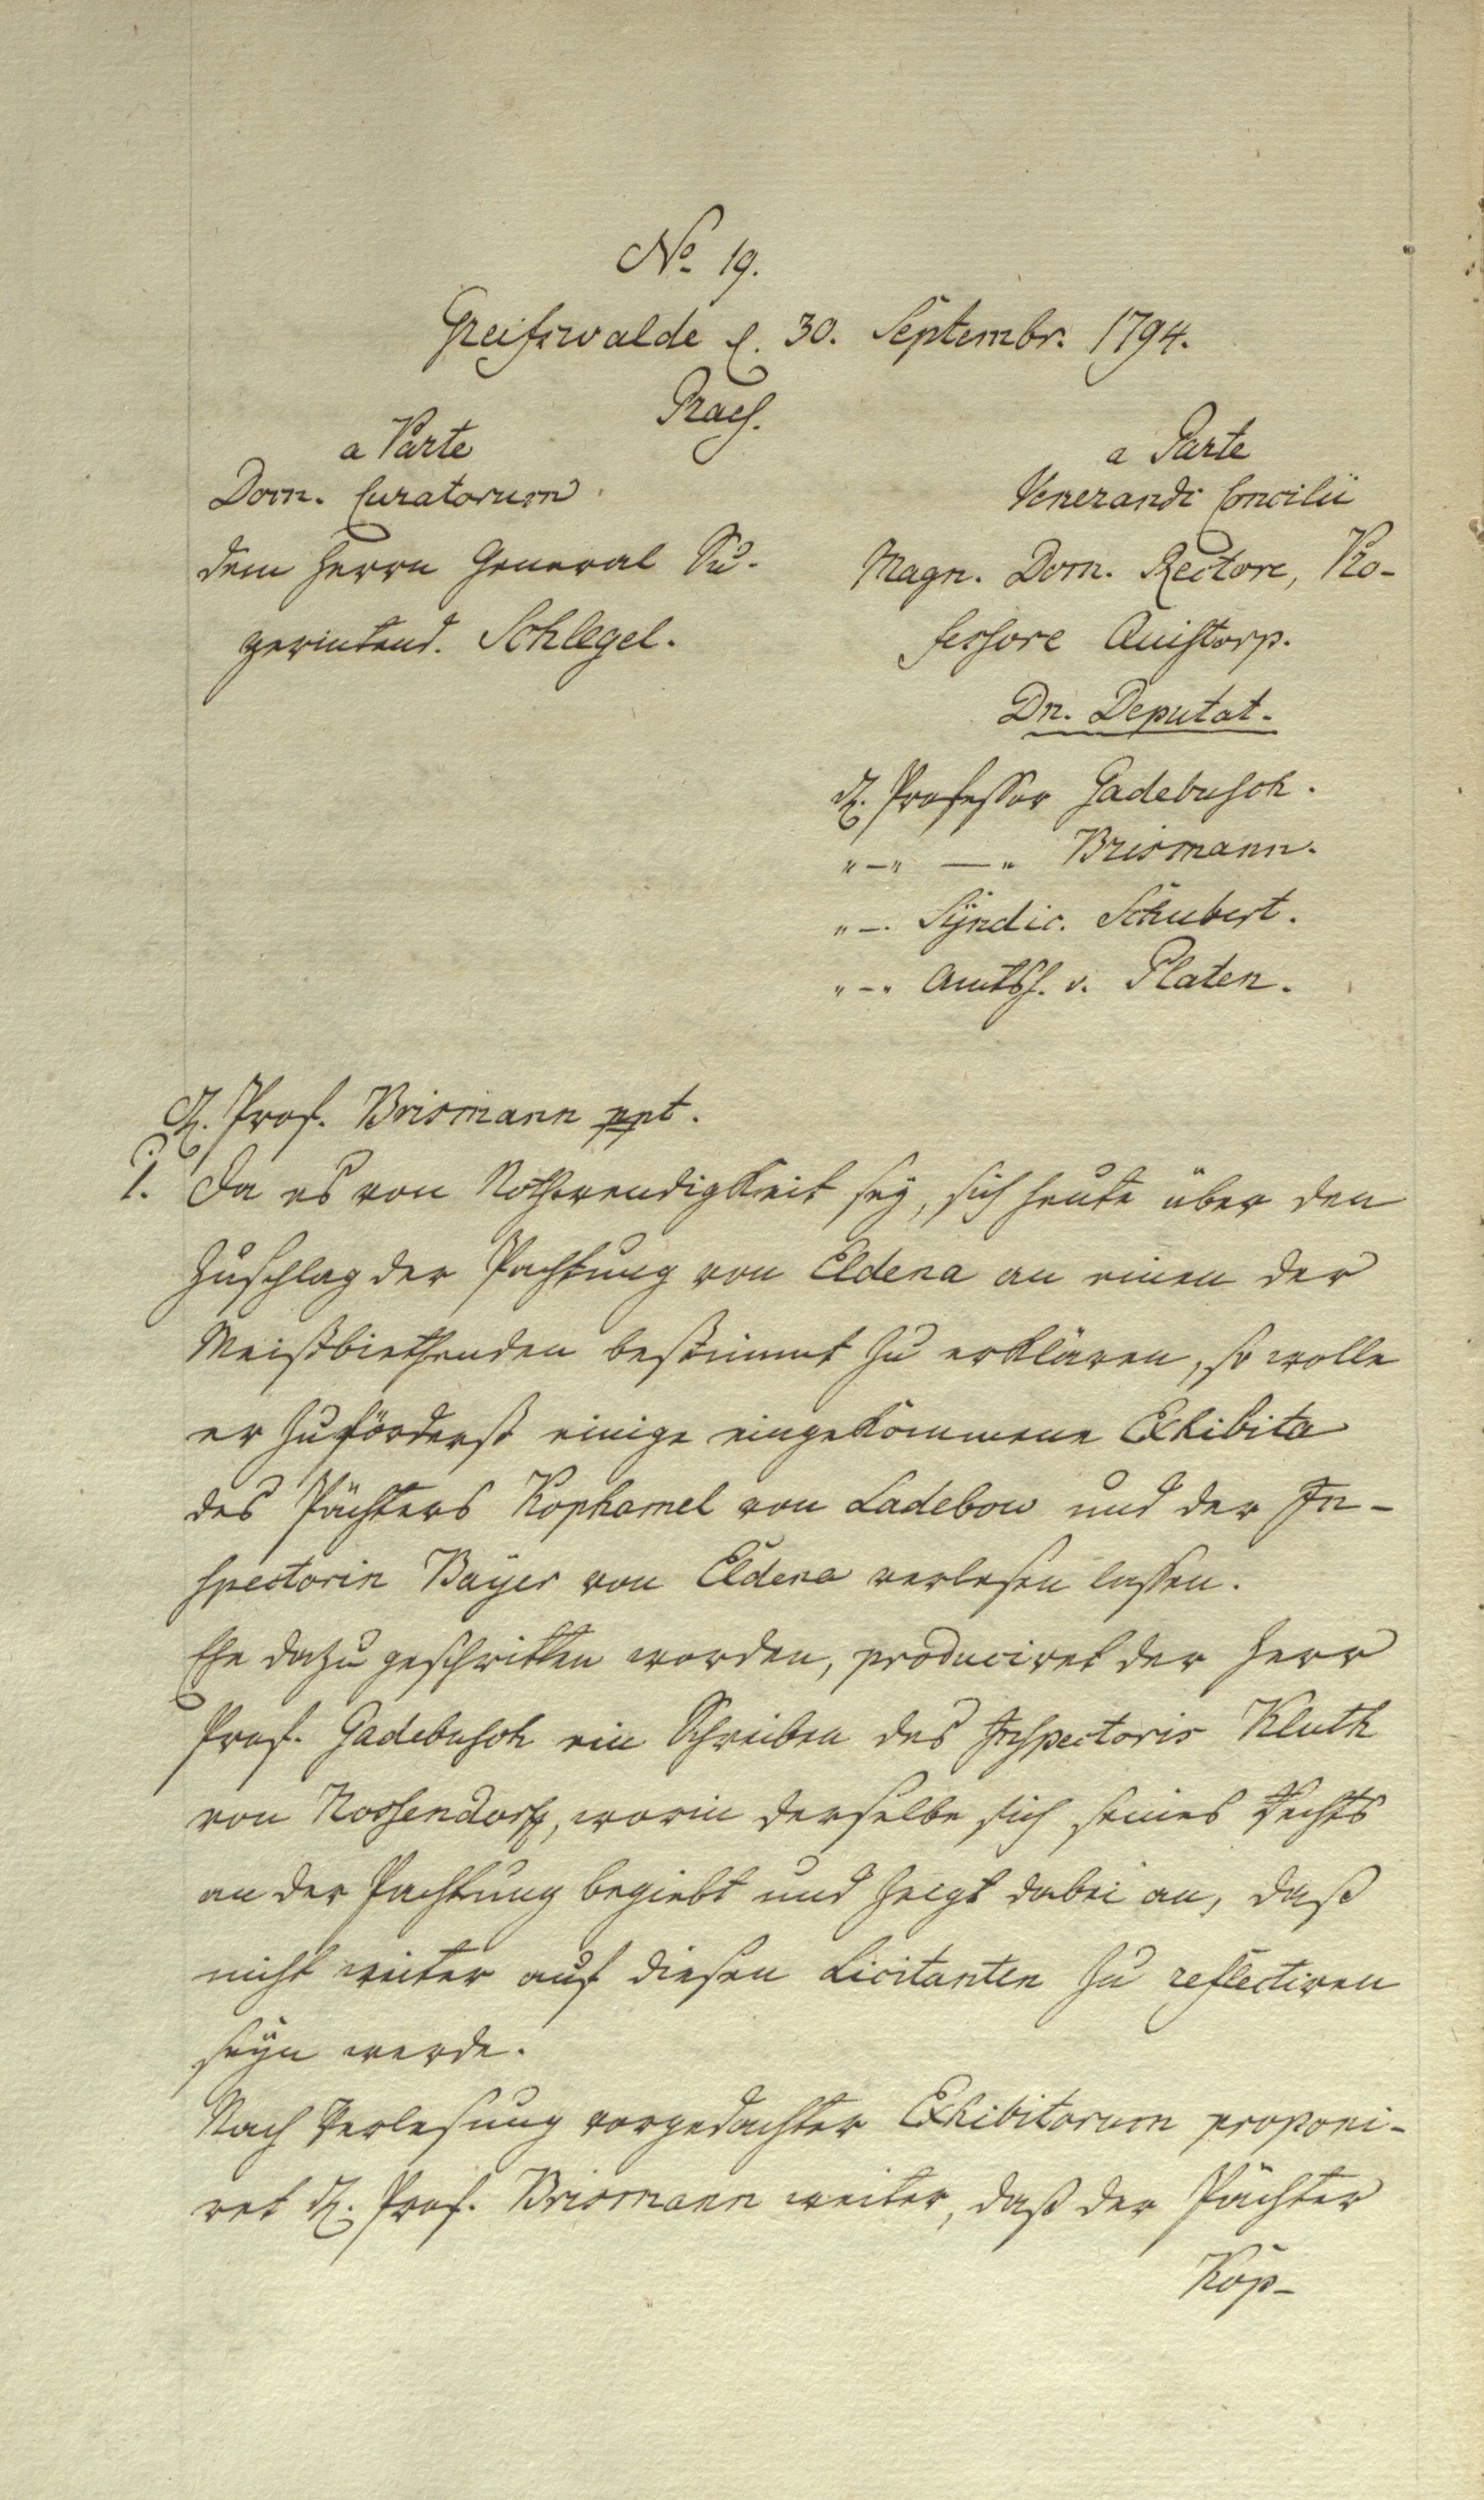No 19.
Greifswalde d. 30. Septembr. 1794.
Praes.
a Parte a Parte
Dom. Curatorum Venerandi Concilii
dem Herrn General Su¬ Magn. Dom. Rectore, Pro
gerintend. Schlegel. fessore Quistorp.
Dn. Deputat.
dh. Professor Gadebusch.
Brismann.
Sÿndic. Schubert.
Amtsh. v. Platen.
dh. Prof. Brismann ppt.
1. Da es von Nothwendigkeit seÿ, sich heute über den
Zuschlag der Pachtung von Eldena an eine der
Meistbiethenden bestimmt zu erklären, so wolle
er zuförderst einige eingekommene Exhibita
des Pächters Kophamel von Ladebow und der In¬
spectorin Baÿer von Eldena verlesen lassen.
Ehe dazu geschritten worden, produciret der Herr
Prof. Gadebusch ein Schreiben des Inspectoris Kluth
von Nossendorff, worin derselbe sich seines Rechts
an der Pachtung begiebt und zeigt dabei an, daß
nicht weiter auf diesen Licitanten zu reflectiren
seÿn werde.
Nach Verlesung vorgedachter Exhibitorum proponi¬
ret dh. Prof. Brismann weiter, daß der Pächter
Kop